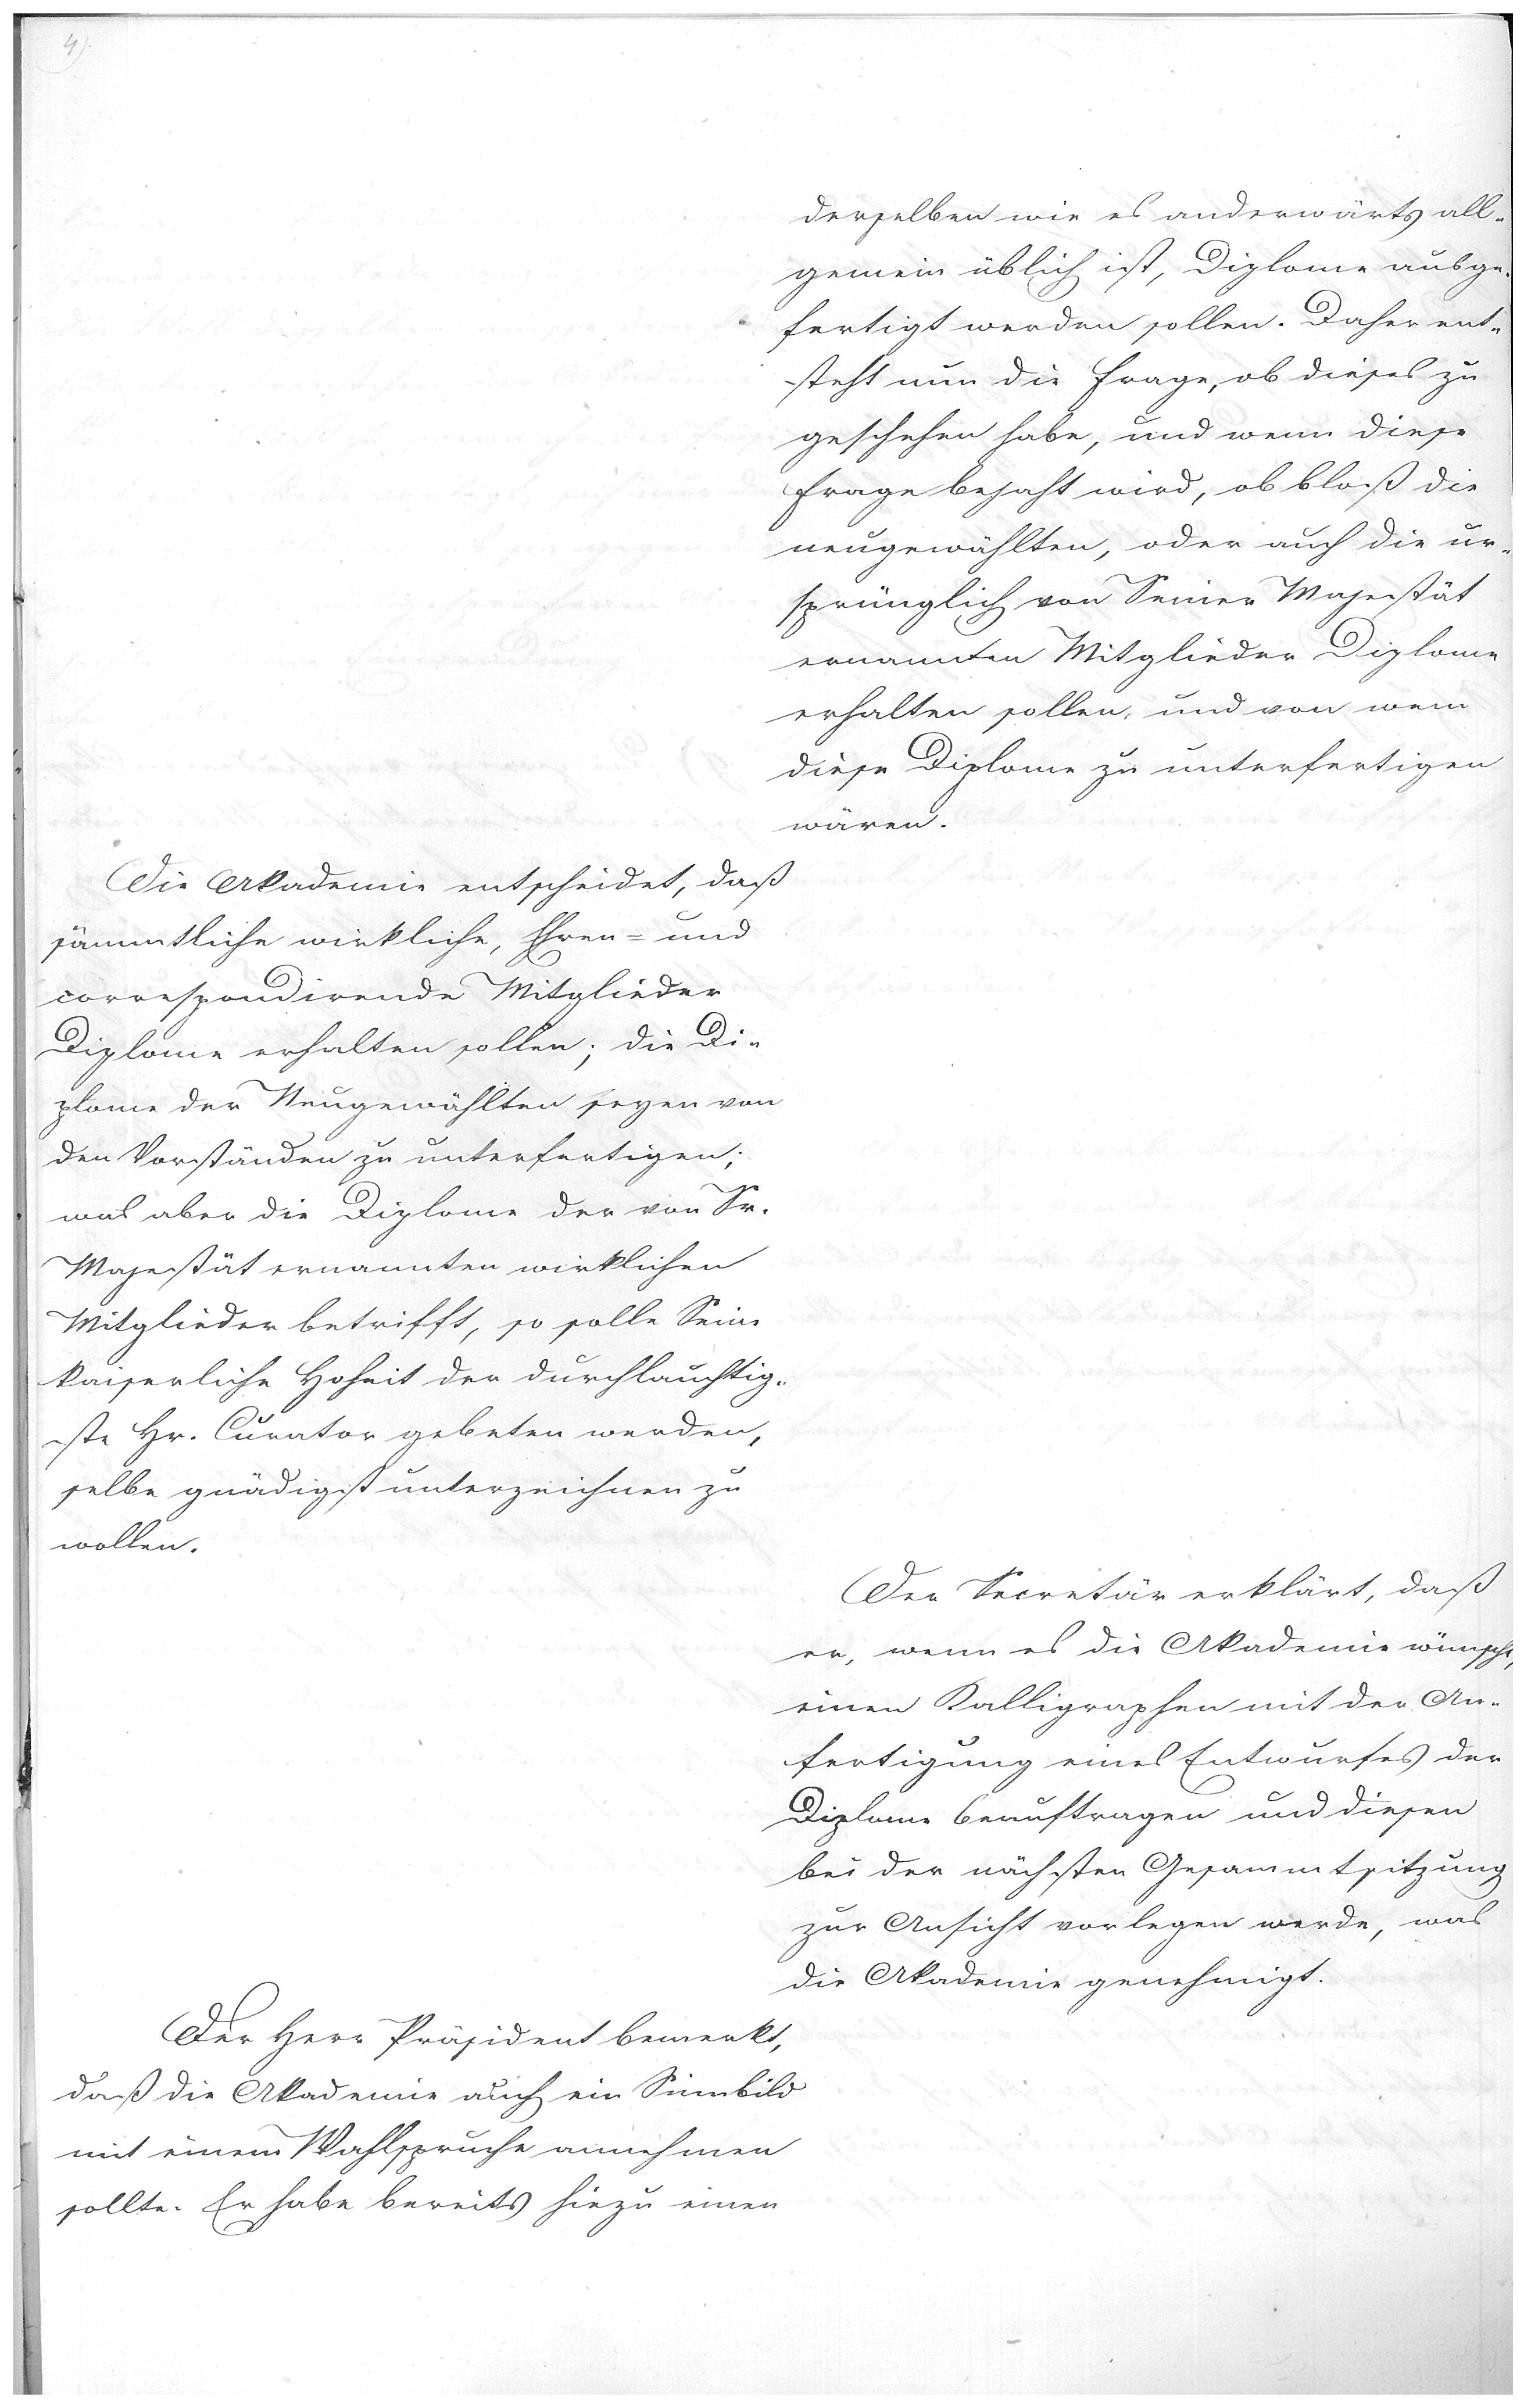derselben wie es anderwärts all-
gemein üblich ist, Diplome ausge-
fertigt werden sollen. Daher ent-
steht nun die Frage, ob dieses zu
geschehen habe, und wenn diese
Frage bejaht wird, ob bloß die
neugewählten, oder auch die ur-
sprünglichen von Seiner Majestät
ernannten Mitglieder Diplome
erhalten sollen, und von wem
diese Diplome zu unterfertigen
wären.
Die Akademie entscheidet, daß
sämmtliche wirkliche, Ehren- und
correspondirende Mitglieder
Diplome erhalten sollen; die Di-
plome der Neungewählten seyen von
den Vorständen zu unterfertigen;
was aber die Diplome der von Sr.
Majestät ernannten wirklichen
Mitglieder betrifft, so solle Seine
kaiserliche Hoheit der durchlauchtig-
ste Hr. Curator gebeten werden,
selbe gnädigst unterzeichnen zu
wollen.
Der Secretär erklärt, daß
er, wenn es die Akademie wünscht,
einen Kalligraphen mit der An-
fertigung eines Entwurfes der
Diplome beauftragen und diesen
bei der nächsten Gesammtsitzung
zur Ansicht vorlegen werde, was
die Akademie genehmigt.
Herr Präsident bemerkt,
daß die Akademie auch ein Sinnbild
mit einen Wahlspruche annehmen
sollten. Er habe bereits hiezu einen